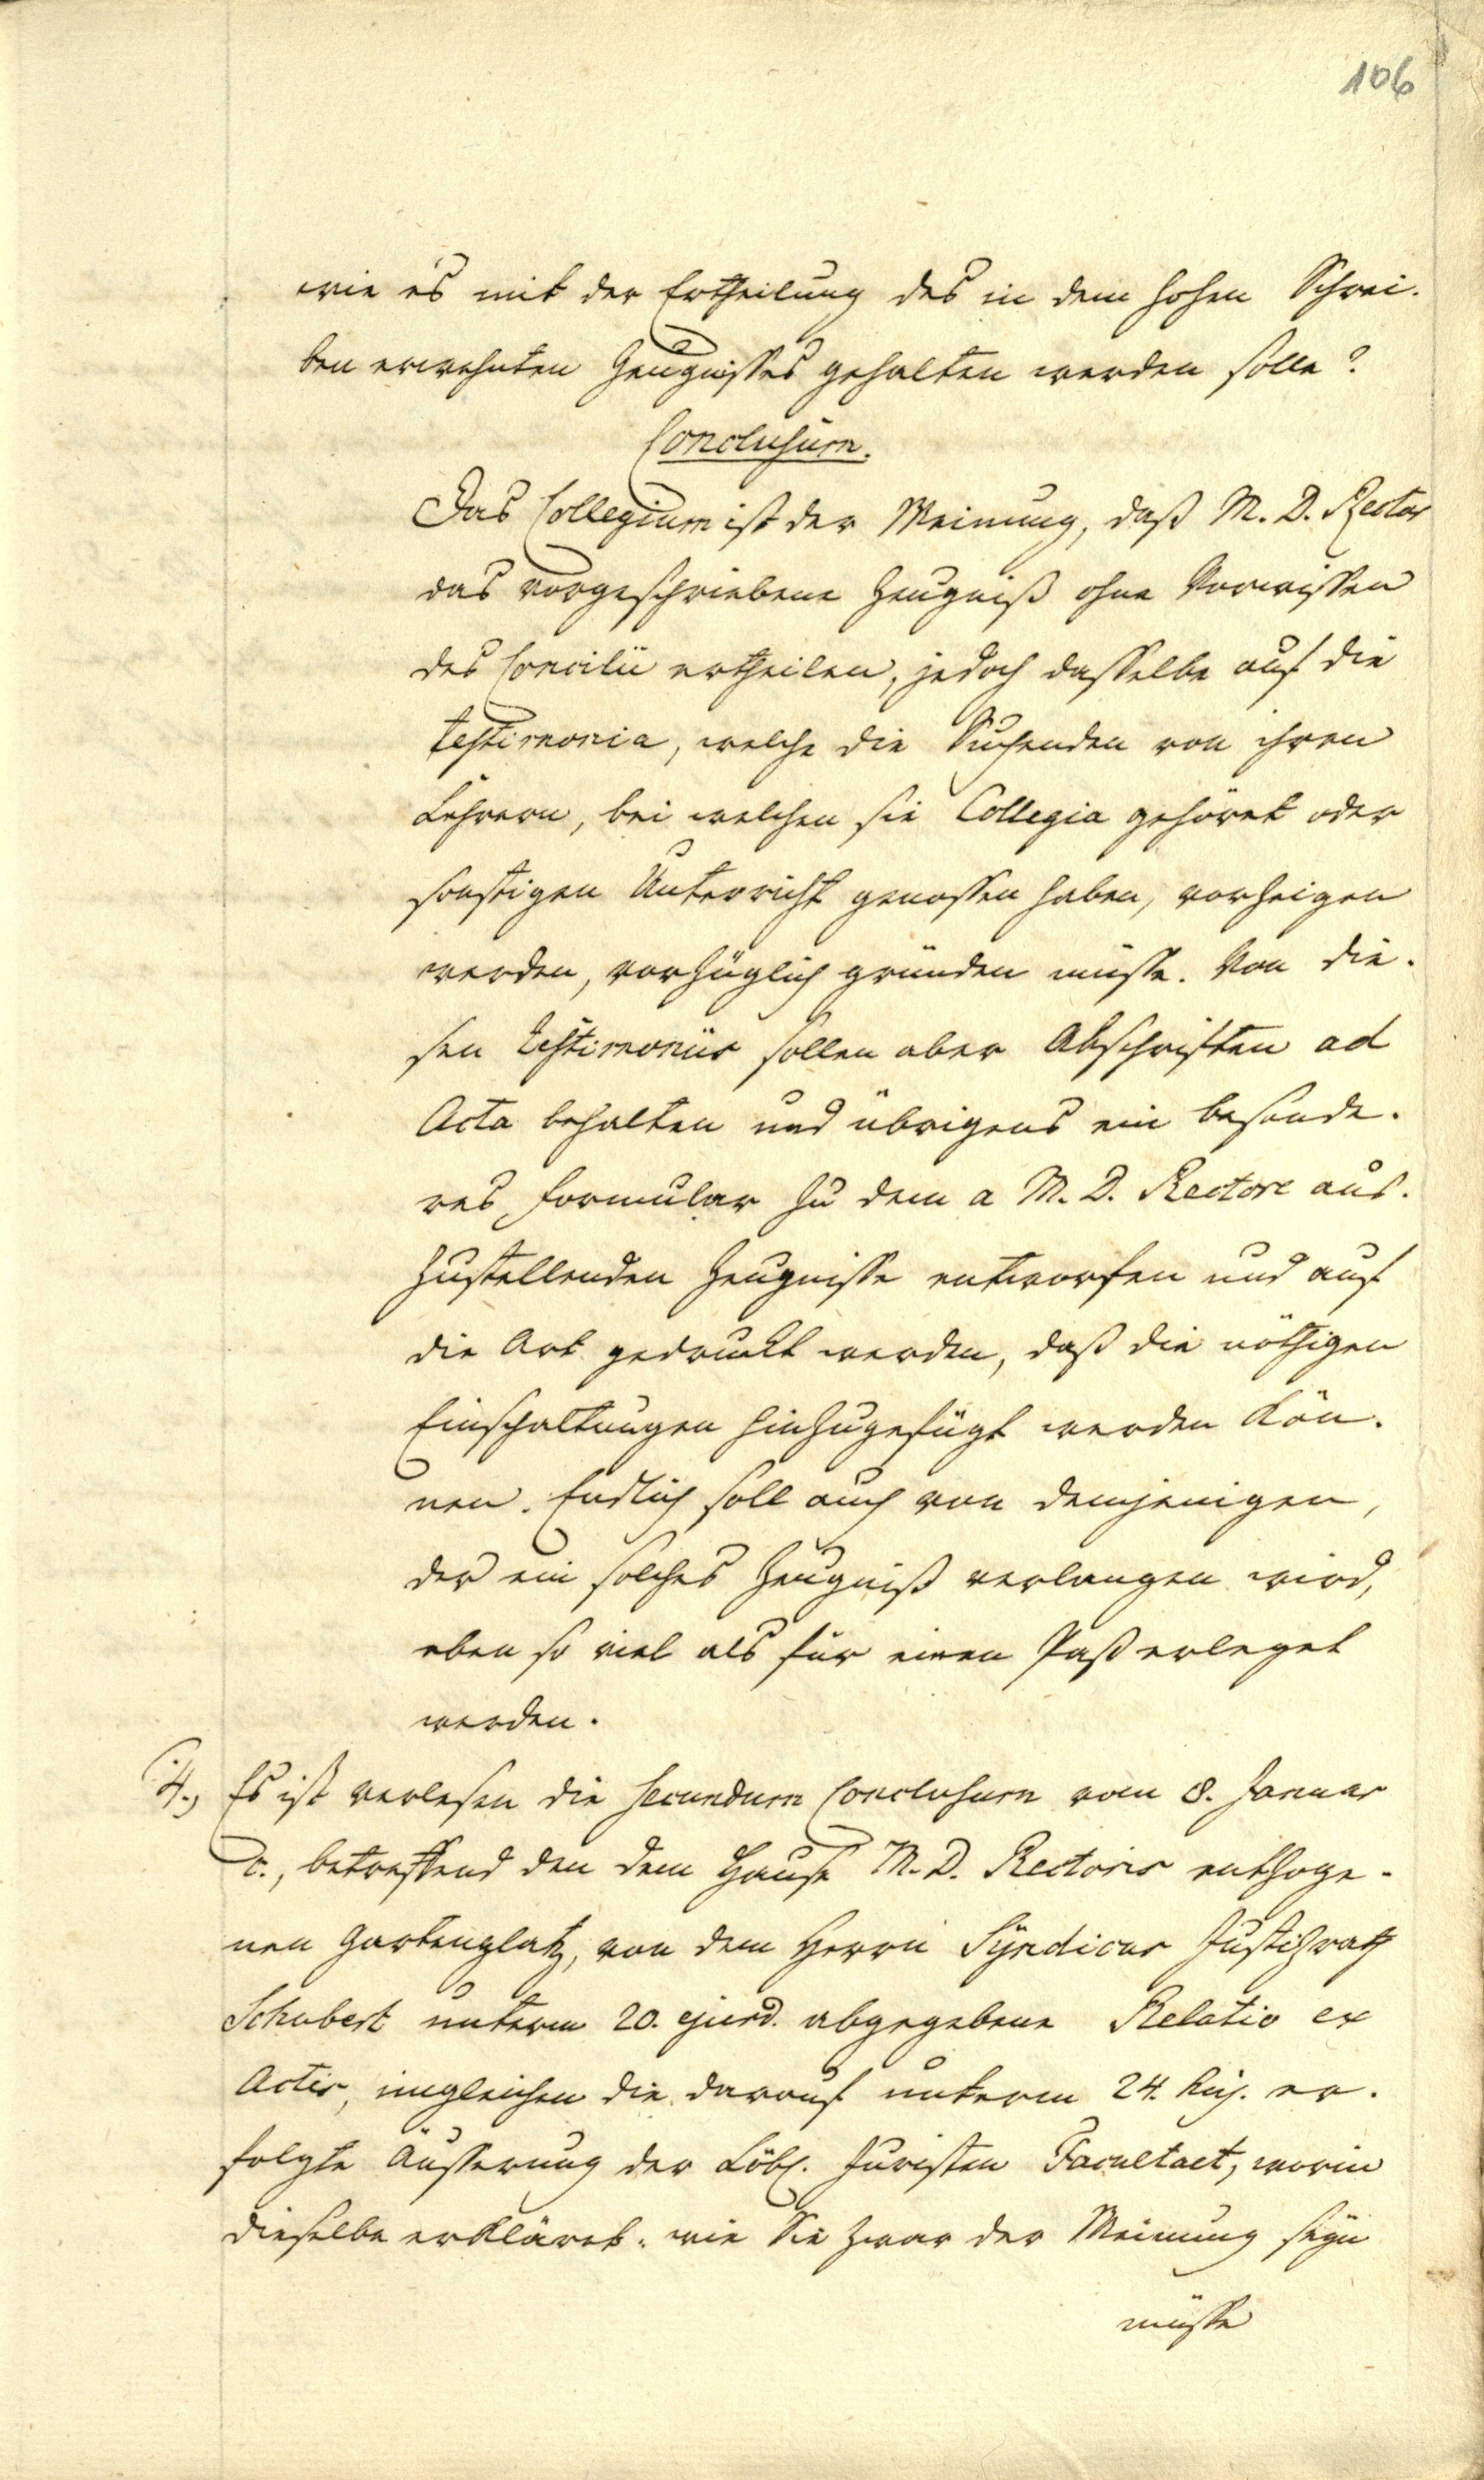wie es mit der Ertheilung des in dem hohen Schrei¬
den erwehnten Zeugnisses gehalten werden solle?
Conclusum.
Das Collegium ist der Meinung, daß M. D. Rector
das vorgeschriebene Zeugniß ohne Vorwissen
des Concilii ertheilen, jedoch dasselbe auf die
testimonia, welche die Suchenden von ihren
Lehrern, bei welchen sie Collegio gehöret oder
sonstigen Unterricht genossen haben, vorzeigen
werden, vorzüglich gründen müsse. Von die-
sen testimoniis sollen aber Abschriften ad
Acta behalten und übrigens ein besonde¬
res Formular zu dem a M. D. Rectore aus¬
zustellenden Zeugnisse entworfen und auf
die Art gedruckt werden, daß die nöthigen
Einschaltungen hinzugefügt werden kön-
nen. Endlich soll auch von demjenigen,
der ein solches Zeugniß verlangen wird,
eben so viel als für einen Paß erleget
werden.
4., Es ist verlesen die secundum Conclusum vom 8. Januar
c., betreffend den dem Hause M. D. Rectoris entzoge-
nen Gartenplatz, von dem Herrn Sÿndicus Justizrath
Schubert unterm 20 ejusd. abgegebene Relatio ex
Actis, imgleichen die darauf unterm 24 huj. er¬
folgte Äusserung der Löbl. Juristen Facultaet, worin
dieselbe erkläret: wie Sie zwar der Meinung seÿn
müsse